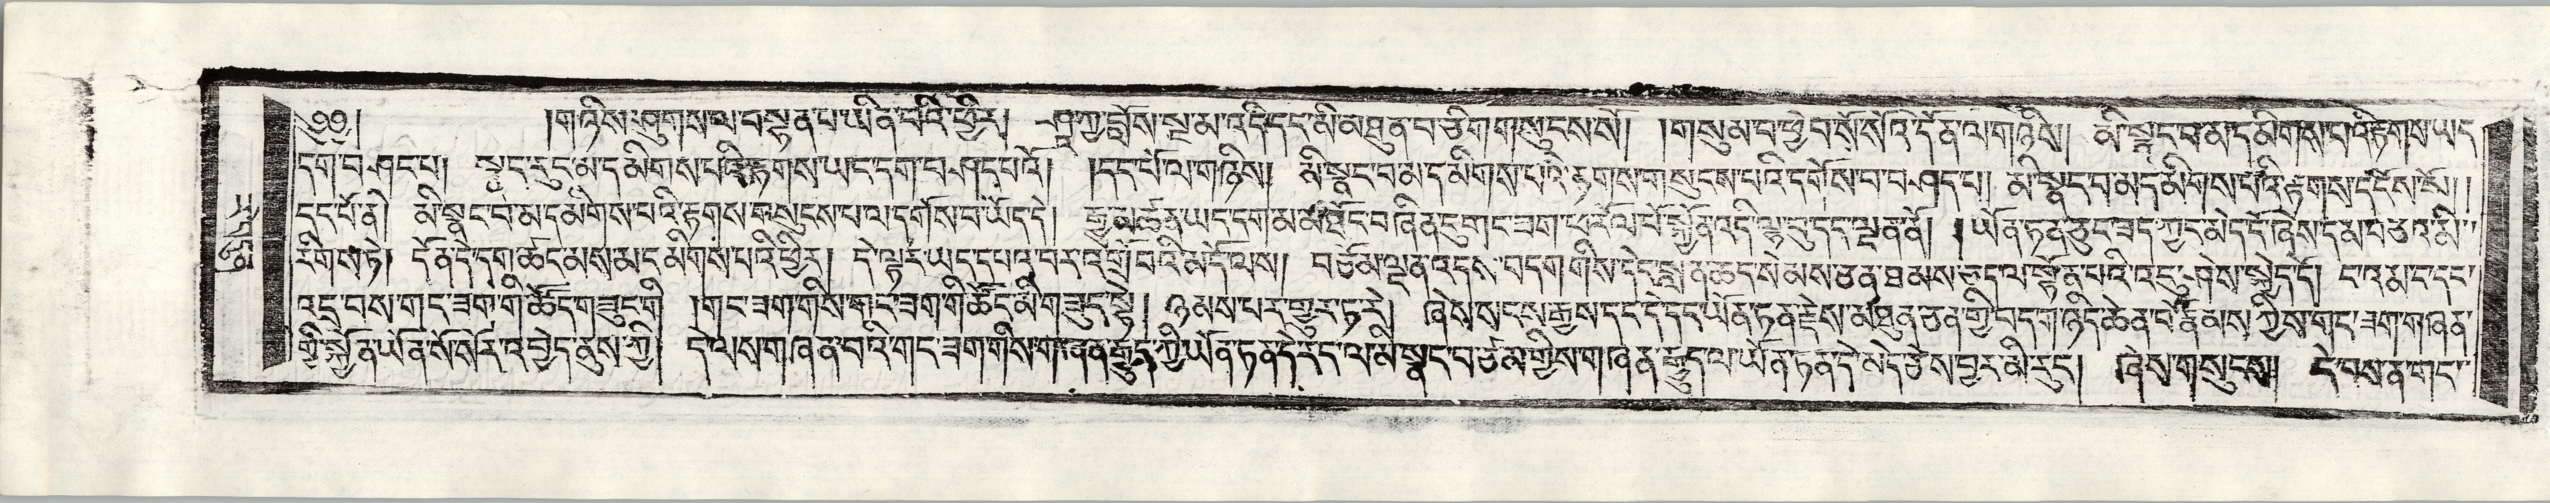༄༅། །གཉིས་ཤུགས་ལ་བསྟན་པ་ཡིན་པའི་ཕྱིར། ཤཱཀྱ་བློས་སྔ་མ་འདི་དང་མི་མཐུན་པ་ཞིག་གསུངས་སོ། གསུམ་པ་ཕྱེ་བ་སོ་སོའི་དོན་ལ་གཉིས། །མི་སྣང་བ་མ་དམིགས་པའི་རྟགས་ཡང་
དག་བཤད་པ། སྣང་རུང་མ་དམིགས་པའི་རྟགས་ཡང་དག་བཤད་པའོ། །དང་པོ་ལ་གཉིས། མི་སྣང་བ་མ་དམིགས་པའི་རྟགས་གསུངས་པའི་དགོས་པ་བཤད་པ། མི་སྣང་བ་མ་དམིགས་པའི་རྟགས་དངོས་སོ། །
དང་པོ་ནི། མི་སྣང་བ་མ་དམིགས་པའི་རྟགས་གསུངས་པ་ལ་དགོས་པ་ཡོད་དེ། རྒྱུ་མཚན་ཡང་དག་མ་མཐོང་བཞིན་དུ་གང་ཟག་ཕ་རོལ་པོ་སྐྱོན་འདི་ལྟ་བུ་དང་ལྡན་ནོ། །ཡོན་ཏན་ཅུང་ཟད་ཀྱང་མེད་དོ་ཞེས་དམ་བཅའ་མི་
རིགས་ཏེ། དོན་དེ་དག་ཚད་མས་མ་དམིགས་པའི་ཕྱིར། དེ་ལྟར་ཡང་དཔའ་བར་འགྲོ་བའི་མདོ་ལས། བཅོམ་ལྡན་འདས་བདག་གིས་དེང་སླན་ཆད་སེམས་ཅན་ཐམས་ཅད་ལ་སྟོན་པའི་འདུ་ཤེས་སྐྱེད་དོ། ངའམ་ང་དང་
འདྲ་བས་གང་ཟག་གི་ཚོད་གཟུང་གི །གང་ཟག་གིས་གང་ཟག་གི་ཚོད་མི་གཟུང་སྟེ། ཉམས་པར་གྱུར་ཏ་རེ། ཞེས་སངས་རྒྱས་དང་དེ་དང་ཡོན་ཏན་རྗེས་མཐུན་ཅན་གྱི་བདག་ཉིད་ཆེན་པོ་རྣམས་ཀྱིས་གང་ཟག་གཞན་
གྱི་སྐྱོན་ཡོན་སོ་སོར་འབྱེད་ནུས་ཀྱིས། དེ་ལས་གཞན་པའི་གང་ཟག་གིས་གཞན་རྒྱུད་ཀྱི་ཡོན་ཏན་དེ་རང་ལ་མི་སྣང་བ་ཙམ་གྱིས་གཞན་རྒྱུད་ལ་ཡོན་ཏན་དེ་མེད་ཅེས་བྱར་མི་རུང་། ཞེས་གསུངས། དེ་བས་ན་གང་